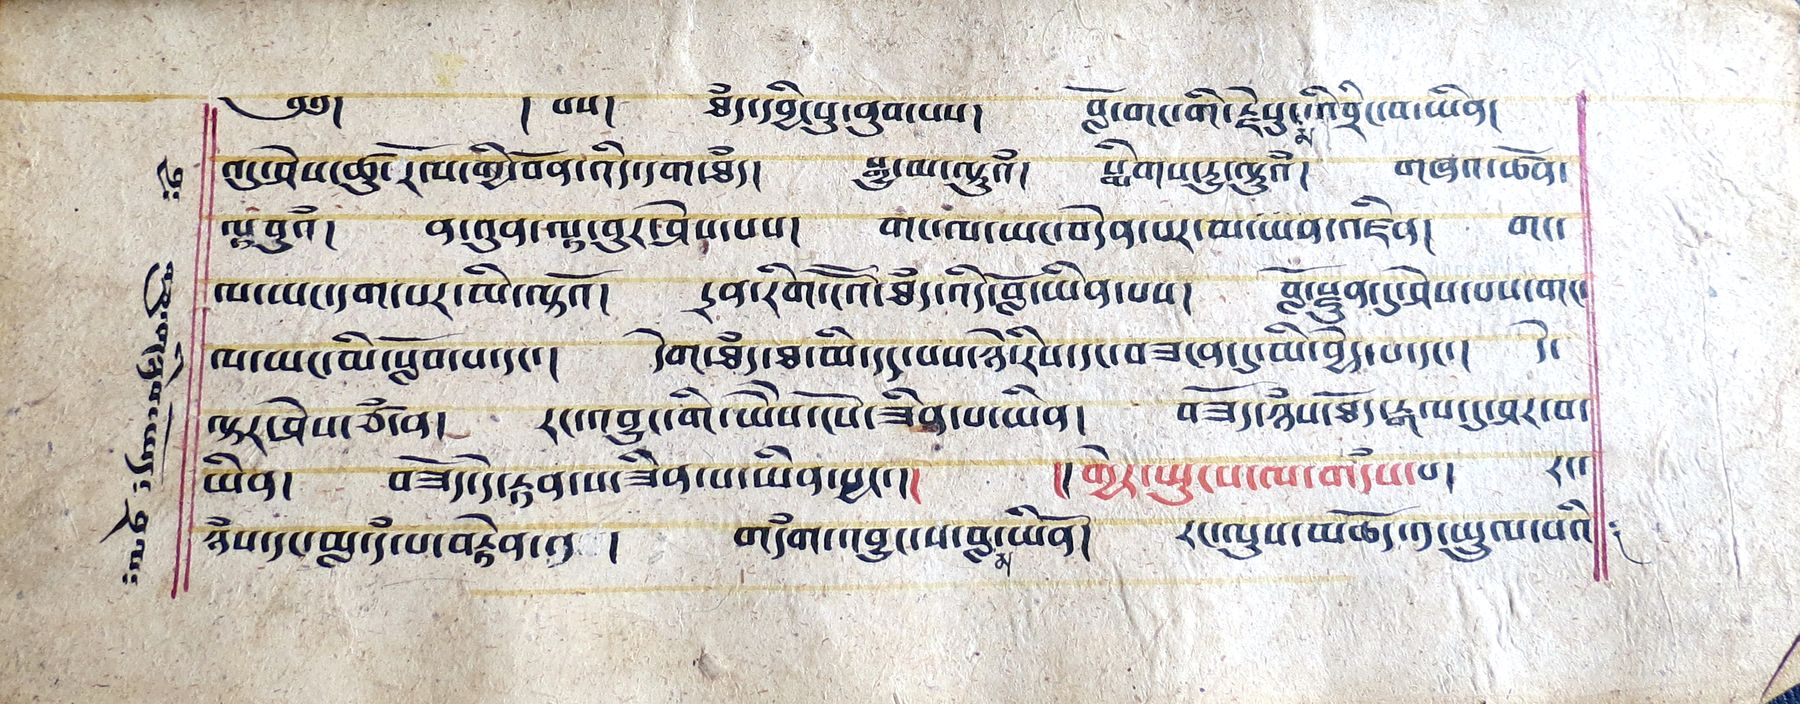པས། ཐམས་ཅད་དབྱིངས་སུ་ནུབ། བློ་གང་གི་རྗེས་སུ་མ་འབྲེང་བ་ཡིན། 
འདུ་ཤེས་ཚུ་རོལ་གྱི་བོན་འདི་དག་ཐམས་ཅད་ཀྱང་། སྒྱུ་མ་ལྟ་བུའམ། སྨིག་སྒྱུ་ལྟ་བུའམ། གཞའ་ཚོན་
ལྟ་བུའམ། ན་བུན་ལྟ་བུར་ཤེས་པས། གང་ལ་ཡང་བདེན་པར་མི་འཛིན། གང་
ལ་ཡང་ཡང་དག་པར་མི་ལྟའོ། །དྲན་རིག་གི་ངོ་བོ་ཐམས་ཅད་འདི་བློ་ཡིན་པས། བློ་རྫུན་དུ་ཤེས་པས། གང་
ལ་ཡང་མི་སློབ་པ་དང་། དེ་དག་ཐམས་ཅད་ཐ་མི་དད་པས། ཉེ་རིང་དང་བཟང་ངན་དུ་མི་བྱེད་པ་དང་། དེ་
ལྟར་ཤེས་ཙམ་ན། རང་འབྱུང་གི་ཡེ་ཤེས་ངོས་ཟིན་པ་ཡིན། བཟོད་ཉམས་ཐོད་རྒལ་དུ་ཤར་བ་
ཡིན། བཟོད་བརྟན་པ་ཟིན་པ་ཡིན་གསུང་། གྱེར་སྤུངས་ལ་གདམས་པ། རང་
ཉམས་མྱོང་དང་ལྡན་ཡང་བླ་མ་དམ་པ་བསྟེན་ཅིག གདམས་ངག་འབྱུང་ས་བླ་མ་ཡིན་ནོ། །རང་ལུས་མཆོད་ན་སྤྲུལ་པའི་